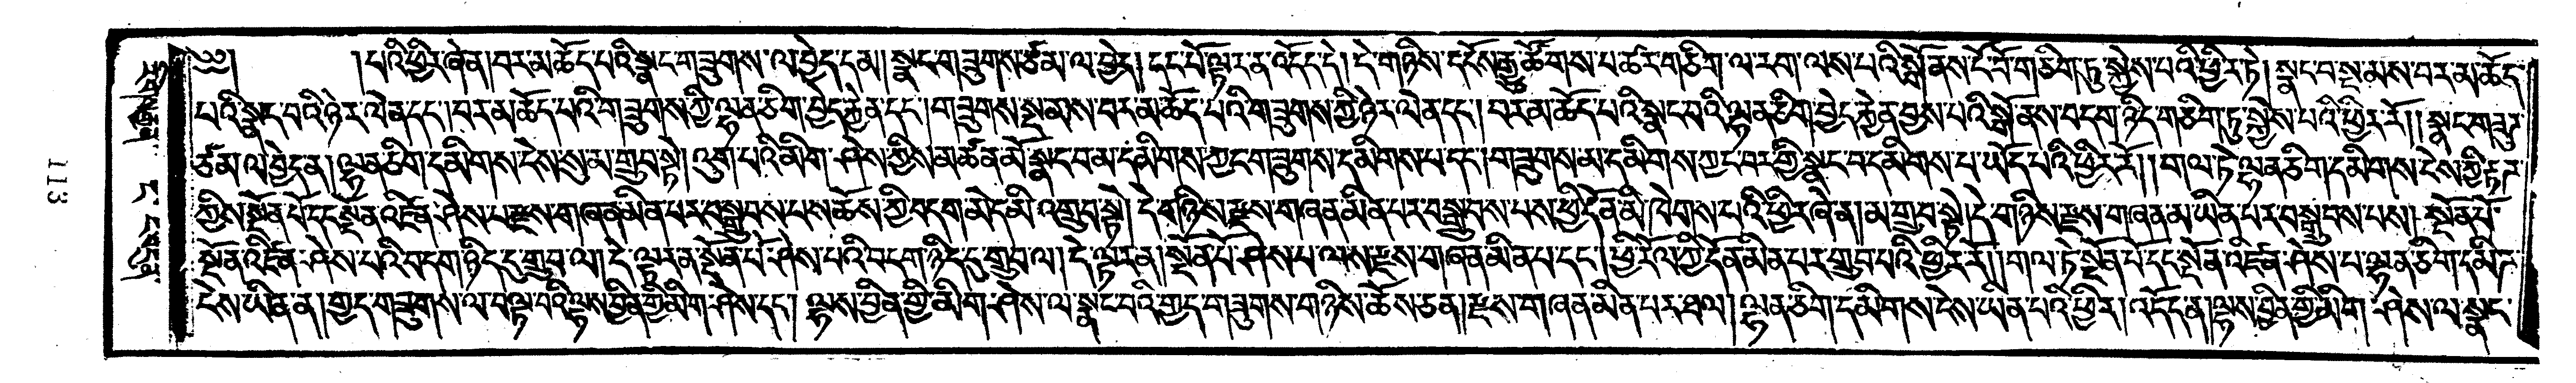༄༅། །པའི་ཕྱིར་ཞེ་ན། བར་མ་ཆོད་པའི་སྣང་གཟུགས་ལ་བྱེད་དམ། སྣང་གཟུགས་ཙམ་ལ་བྱེད། དང་པོ་ལྟར་ན་འདོད་དེ། དེ་གཉིས་དངོས་རྒྱུ་ཚོགས་པ་ཆར་གཅིག་ལ་རག་ལས་པའི་སྒོ་ནས་ངོ་བོ་གཅིག་ཏུ་སྐྱེས་པའི་ཕྱིར་ཏེ། སྣང་བ་སྔ་མས་བར་མཆོད་
པའི་སྣང་བའི་ཉེར་ལེན་དང་། བར་མ་ཆོད་པའི་གཟུགས་ཀྱི་ལྷན་ཅིག་བྱེད་རྐྱེན་དང་། གཟུགས་སྔ་མས་བར་མ་ཆོད་པའི་གཟུགས་ཀྱི་ཉེར་ལེན་དང་། བར་མ་ཆོད་པའི་སྣང་བའི་ལྷན་ཅིག་བྱེད་རྐྱེན་བྱས་པའི་སྒོ་ནས་བདག་ཉིད་གཅིག་ཏུ་སྐྱེས་པའི་ཕྱིར་རོ། །སྣང་གཟུཌ་
ཙམ་ལ་བྱེད་ན། ལྷན་ཅིག་དམིགས་ངེས་སུ་མ་གྲུབ་སྟེ། འུག་པའི་མིག་ཤེས་ཀྱིས་མཚན་མོ་སྣང་བ་མ་དམིགས་ཀྱང་གཟུགས་དམིགས་པ་དང་། གཟུགས་མ་དམིགས་ཀྱང་བར་གྱི་སྣང་བ་དམིགས་པ་ཡོད་པའི་ཕྱིར་རོ། །གལ་ཏེ་ལྷན་ཅིག་དམིགས་ངེས་ཀྱི་རྟཌ་
ཀྱིས་སྔོན་པོ་དང་སྔོན་འཛིན་ཤེས་པ་རྫས་གཞན་མིན་པར་བསྒྲུབས་པས་ཆོས་ཀྱི་བདག་མེད་མི་འགྲུབ་སྟེ། དེ་གཉིས་རྫས་གཞན་མིན་པར་བསྒྲུབ་པས་ཕྱི་དོན་མི་ཁེགས་པའི་ཕྱིར་ཞེ་ན། མ་གྲུབ་སྟེ། དེ་གཉིས་རྫས་གཞན་མ་ཡིན་པར་བསྒྲུབ་པས། སྔོན་པོ་
སྔོན་འཛིན་ཤེས་པའི་བདག་ཉིད་དུ་གྲུབ་ལ། དེ་ལྟར་ན་སྔོན་པོ་ཤེས་པའི་བདག་ཉིད་དུ་གྲུབ་ལ། དེ་ལྟར་ན། སྔོན་པོ་ཤེས་པ་ལས་རྫས་གཞན་མིན་པ་དང་། ཕྱི་རོལ་གྱི་དོན་མིན་པར་གྲུབ་པའི་ཕྱིར་རོ། །གལ་ཏེ་སྔོན་པོ་དང་སྔོན་འཛིན་ཤེས་པ་ལྷན་ཅིག་དམིཌ་
ངེས་ཡིན་ན། གྱད་གཟུགས་ལ་བལྟ་བའི་ལྷས་བྱིན་གྱི་མིག་ཤེས་དང་། ལྷས་བྱིན་གྱི་མིག་ཤེས་ལ་སྣང་བའི་གྱད་གཟུགས་གཉིས་ཆོས་ཅན། རྫས་གཞན་མིན་པར་ཐལ། ལྷན་ཅིག་དམིགས་ངེས་ཡིན་པའི་ཕྱིར། འདོད་ན། ལྷས་བྱིན་གྱི་མིག་ཤེས་ལ་སྣང་